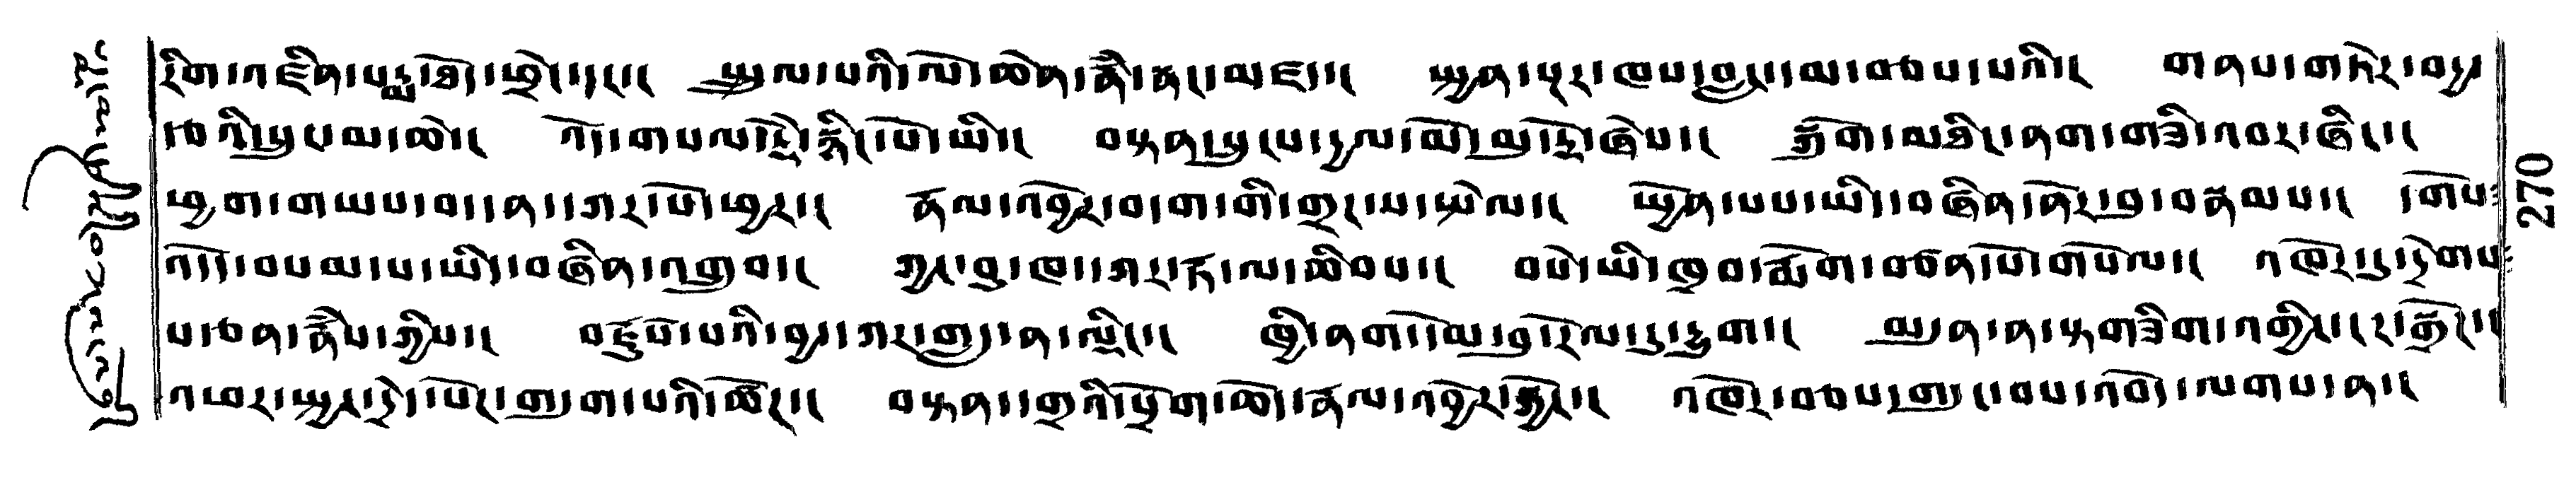།རིག་འཛིན་པདྨ་ཐོད་ཕྲེང་དང་། །སྤྲུལ་པའི་ལོ་ཆེན་རྣམ་སྣང་མཛད། །སྤྱན་སྔར་ཁས་བླངས་དམ་བཅས་པའི། །གནས་གཏེར་བརྒྱ་
རྩའི་སྲུང་མ་ཆེ། །འོད་གསལ་རྡོ་རྗེ་སྙིང་པོ་ཡི། །བསྟན་སྲུང་རྒྱལ་མོད་མུ་རྡོ་ཞེས། །སྐུ་མདོག་མཐིང་ནག་གཟི་འབར་ཞིང་། །
ཕྱག་གཡས་བ་དན་དཀར་པོ་ཕྱར། །རྣལ་འབྱོར་བདག་གི་གྲགས་པ་སྤེལ། །གཡོན་པས་ཡིད་བཞིན་ནོར་བུ་བསྣམས། །དགོས་
འདོད་བསམ་པ་ཡིད་བཞིན་སྒྲུབ། །རྐྱང་བུ་ཁ་དཀར་རྟ་ལ་ཆིབས། །བསེ་ཡི་ཁྲབ་རྨོག་བཙན་པོ་གསོལ། །འཁོར་དུ་དྲེགས་
པ་ཅན་རྣམས་ཀྱིས། །བརྫུས་པའི་བྱ་དཀར་གླད་ན་ལྡིང་།ཁྱི་ནག་དོམ་བུ་རོལ་དུ་རྒྱུག མདུན་ན་སྟག་གཟིག་འགྱིང་ངར་སྒྲོག །
འཕར་སྤྱང་དྲེད་སོགས་གདུག་པའི་ཚོགས། །བསྟན་དགྲའི་སྲོག་ཆོད་རྣལ་འབྱོར་སྐྱོང་། །འཁོར་བཅས་གདུང་བས་འབོད་ལགས་ན།